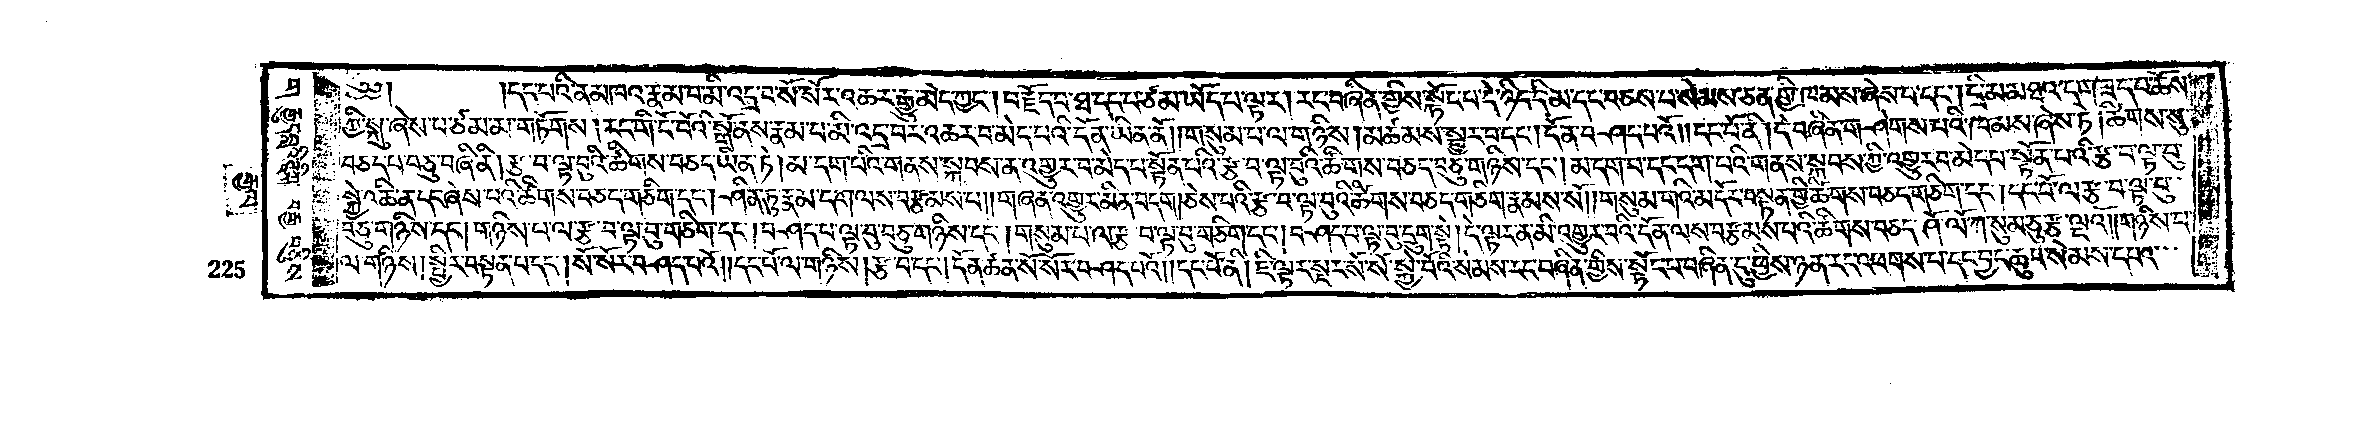༄༅། །དད་པའི་ནམ་མཁའ་རྣམ་པ་མི་འདྲ་བ་སོ་སོར་འཆར་རྒྱུ་མེད་ཀྱང་། བརྗོད་པ་ཐ་དད་པ་ཙམ་ཡོད་པ་ལྟར། རང་བཞིན་གྱིས་སྟོང་པ་དེ་ཉིད་དྲི་མ་དང་བཅས་པ་སེམས་ཅན་གྱི་ཁམས་ཞེས་པ་དང་། དྲི་མ་མཐའ་དག་ཟད་པ་ཆོས་
ཀྱི་སྐུ་ཞེས་པ་ཙམ་མ་གཏོགས། རང་གི་ངོ་བོའི་སྒོ་ནས་རྣམ་པ་མི་འདྲ་བར་འཆར་བ་མེད་པའི་དོན་ཡིན་ནོ། །གསུམ་པ་ལ་གཉིས། མཚམས་སྦྱར་བ་དང་། དོན་བཤད་པའོ། །དང་པོ་ནི། དེ་བཞིན་གཤེགས་པའི་ཁམས་ཞེས་ཏེ། ཚིགས་སུ་
བཅད་པ་བཅུ་བཞི་ནི། རྩ་བ་ལྟ་བུའི་ཚིགས་བཅད་ཡིན་ཏེ། མ་དག་པའི་གནས་སྐབས་ན་འགྱུར་བ་མེད་པ་སྟོན་པའི་རྩ་བ་ལྟ་བུའི་ཚིགས་བཅད་བཅུ་གཉིས་དང་། མ་དག་པ་དང་དག་པའི་གནས་སྐབས་ཀྱི་འགྱུར་བ་མེད་པ་སྟོན་པའི་རྩ་བ་ལྟ་བུ་
སྐྱེ་འཆི་ན་དང་ཞེས་པའི་ཚིགས་བཅད་གཅིག་དང་། ཤིན་ཏུ་རྣམ་དག་ལས་བརྩམས་པ། །གཞན་འགྱུར་མིན་བདག །ཅེས་པའི་རྩ་བ་ལྟ་བུའི་ཚིགས་བཅད་གཅིག་རྣམས་སོ། །གསུམ་གའི་མདོར་བསྟན་གྱི་ཚིགས་བཅད་གཅིག་དང་། དང་པོ་ལ་རྩ་བ་ལྟ་བུ་
བཅུ་གཉིས་དང་། གཉིས་པ་ལ་རྩ་བ་ལྟ་བུ་གཅིག་དང་། བཤད་པ་ལྟ་བུ་བཅུ་གཉིས་དང་། གསུམ་པ་ལ་རྩ་བ་ལྟ་བུ་གཅིག་དང་། བཤད་པ་ལྟ་བུ་དྲུག་སྟེ། དེ་ལྟར་ན་མི་འགྱུར་བའི་དོན་ལས་བརྩམས་པའི་ཚིགས་བཅད་ཤོ་ལོ་ཀ་སུམ་ཅུ་རྩ་ལྔའོ། །གཉིས་པ་
ལ་གཉིས། སྤྱིར་བསྟན་པ་དང་། སོ་སོར་བཤད་པའོ། །དང་པོ་ལ་གཉིས། རྩ་བ་དང་། དོན་ཚན་སོ་སོར་བཤད་པའོ། །དང་པོ་ནི། ཇི་ལྟར་སྔར་སོ་སོ་སྐྱེ་བོའི་སེམས་རང་བཞིན་གྱིས་སྟོང་པ་བཞིན་དུ་ཕྱིས་ཉན་རང་འཕགས་པ་དང་བྱང་ཆུབ་སེམས་དཔའ་